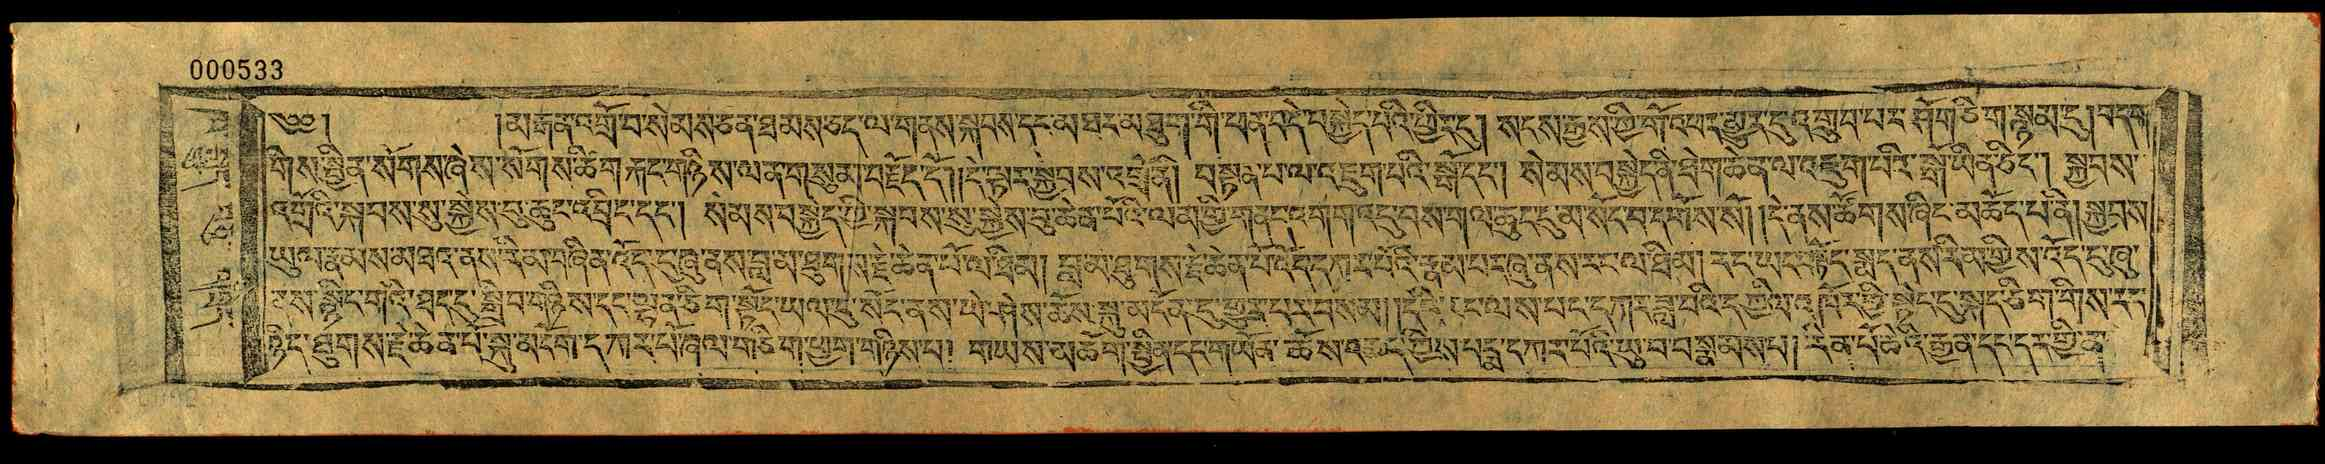༄༅། །མ་རྒན་འགྲོ་བ་སེམས་ཅན་ཐམས་ཅད་ལ་གནས་སྐབས་དང་མཐར་ཐུག་གི་ཕན་བདེ་བསྐྱེད་པའི་ཕྱིར་དུ། སངས་རྒྱས་ཀྱི་གོ་འཕང་མྱུར་དུ་འགྲུབ་པར་ཤོག་ཅིག་སྙམ་དུ། བདག་
གིས་སྦྱིན་སོགས་ཞས་སོགས་ཚིག་རྐང་གཉས་ལན་གསུམ་བརྗོད་དོ། །དེ་ལྟར་སྐྱབས་འགྲོ་ནི། བསྟན་པ་ལ་འཇུག་པའི་སྒོ་དང་། སེམས་བསྐྱེད་ནི་ཐེག་ཆེན་ལ་འཇུག་པའི་སྒོ་ཡིན་ཅིང་། སྐྱབས་
འགྲོའི་སྐབས་སུ་སྐྱེས་བུ་ཆུད་འབྲིང་དང་། སེམས་བསྐྱེད་ཀྱི་སྐབས་སུ་སྐྱེས་བུ་ཆེན་པོའི་ལམ་གྱི་གནད་འགག་འདུ་བས་གལ་ཆུང་དུ་མ་སོང་བ་དགོས་སོ། །དེ་ནས་ཚོགས་ཞིང་མཆོད་པ་ནི། སྐྱབས་
ཡུལ་རྣམས་མཐའ་ནས་རིམ་བཞིན་འོད་དུ་ཞུ་ནས་བླ་མ་ཐུགས་རྗེ་ཆེན་པོ་ལ་ཐིམ། བླ་མ་ཐུགས་རྗེ་ཆེན་པོ་འོད་དཀར་པོའི་རྣམ་པར་ཞུ་ནས་རང་ལ་ཐིམ། རང་ཡང་སྟོད་སྨད་ནས་རིམ་གྱིས་འོད་དུ་ཞུ་
ནས་སྙིང་གའི་ཐང་དུ་སྒྲིབ་གཉིས་དང་ལྷན་ཅིག་སྟོང་ཡལ་དུ་སོང་ནས་ཡེ་ཤེས་ཆོས་སྐུ་མངོན་དུ་གྱུར་པར་བསམ། དེའི་ནང་ལས་པད་དཀར་ཟླ་བའི་དཀྱིལ་འཁོར་གྱི་སྟོང་དུ་སྐད་ཅིག་གིས་རང་
ཉིད་ཐུགས་རྗེ་ཆེན་པོ་སྐུ་མདོག་དཀར་པོ་ཞལ་གཅིག་ཕྱག་གཉིས་པ། གཡས་མཆོག་སྦྱིན་དང་གཡོན་ཆོས་འཆད་ཀྱིས་པདམ་དཀར་པོའི་ཡུ་བ་བསྣམས་པ། རིན་པོ་ཆེའི་རྒྱན་དང་དར་གྱི་ན་